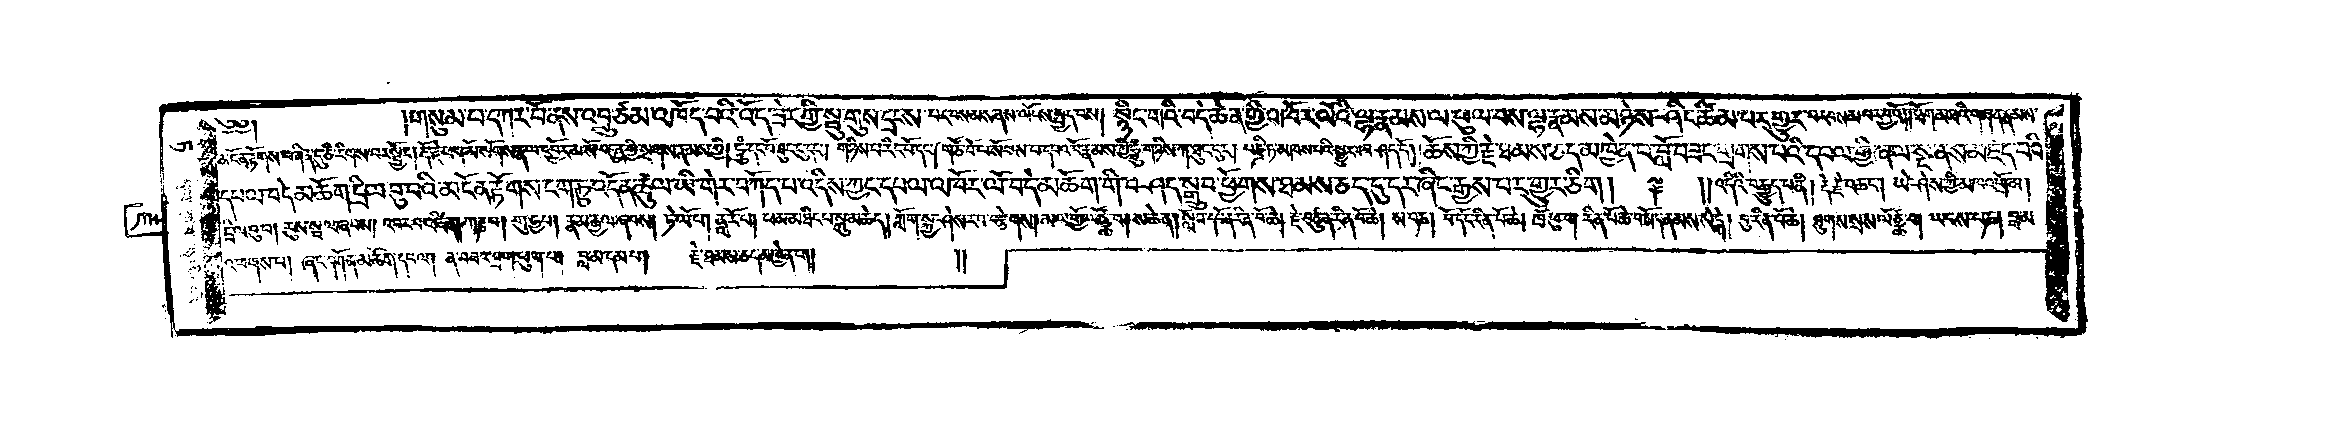༄༅། །གསུམ་པ་དཀར་པོ་ནས་འབྲུ་ཙམ་འཁོད་པའི་འོད་ཟེར་གྱི་སྦུ་གུས་དྲངས་པར་བསམས་ནས་ལོངས་སྤྱད་པས།  སྙིང་གའི་བདེ་ཆེན་གྱི་འཁོར་ལོའི་ལྷ་རྣམས་ལ་ཕུལ་བས་ལྷ་རྣམས་མཉེས་ཤིང་ཚིམ་པར་གྱུར་པར་བསམ་པར་བྱའོ། །ཐོག་མཐའི་གཞན་རྣམས་
མངོན་རྟོགས་བཞིན་དུ་ཅི་རིགས་པར་སྦྱོར། རྡོ་རྗེ་ཕག་མོ་སོགས་རྣལ་འབྱོར་མ་སོ་བདུན་གྱི་སྔགས་རྣམས་ཀྱི། ཧཱུཾ་དང་པོ་ཐུང་ངུ་དང་། གཉིས་པ་རིང་པོ་དང་། གཙོ་བོ་ལ་སོགས་པ་དཔའ་བོ་རྣམས་ཀྱི་ཧཱུཾ་གཉིས་ཀ་ཐུང་ངུར། པཎྜི་ཏ་མུན་མ་བ་རི་དྡཱ་?་ཏྲས་བཤད་དོ། །ཆོས་ཀྱི་རྗེ་ཐམས་ཅད་མཁྱེན་པ་བློ་བཟང་གྲགས་པའི་དཔལ་གྱི་ཞལ་སྔ་ནས་མཛད་པའི་
དཔལ་བདེ་མཆོག་དྲིལ་བུ་པའི་མངོན་རྟོགས་ངག་ཏུ་འདོན་ཚུལ་ཡི་གེར་བཀོད་པ་འདིས་ཀྱང་དཔལ་འཁོར་ལོ་བདེ་མཆོག་གི་བཤད་སྒྲུབ་ཕྱོགས་ཐམས་ཅད་དུ་དར་ཞིང་རྒྱས་པར་གྱུར་ཅིག ། ༈ །།འདིའི་བརྒྱུད་པ་ནི། རྡོ་རྗེ་འཆང་། ཡེ་ཤེས་ཀྱི་མཁའ་འགྲོ་མ།
དྲིལ་བུ་པ། རུས་སྦལ་ཞབས། འབར་བ་འཛིན། ཀཎྜ་པ། གུ་ཧྱ་པ། རྣམ་རྒྱལ་ཞབས། ཏེ་ལོ་པ། ནཱ་རོ་པ། ཕམ་མཐིང་པ་སྐུ་མཆེད། ཀློག་སྐྱ་ཤེས་རབ་བརྩེགས། མལ་གྱོ་ལོཙྪ་བ། ས་ཆེན། སློབ་དཔོན་རིན་པོ་ཆེ། རྗེ་བཙུན་རིན་པོ་ཆེ། ས་པཎ། བོ་དོང་རིན་པོ་ཅྖེ། ཁྲོ་ཕུ་ག་རིན་པོ་ཆེ་བསོད་ནམས་སེངྒེ། བུ་རིན་པོ་ཆེ། ཐུགས་སྲས་ལོཙྪ་བ། ཡང་ས་པཎ། བླ་མ་
འཕགས་པ། ཞང་དཀོན་མཆོག་དཔལ། ན་བཟང་བྲག་ཕུག་པ། བླ་མ་དམ་པ། རྗེ་ཐམས་ཅད་མཁྱེན་པ།། །།